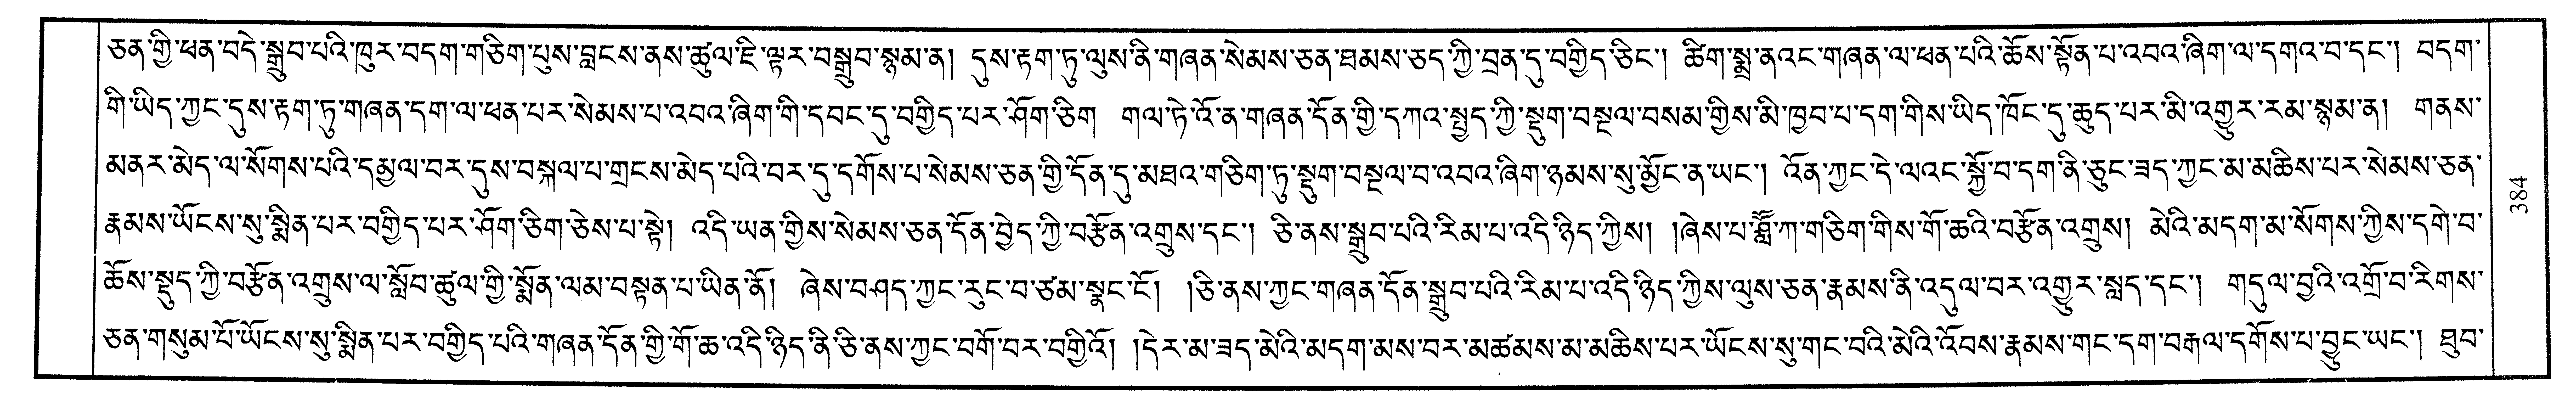ཅན་གྱི་ཕན་བདེ་སྒྲུབ་པའི་ཁུར་བདག་གཅིག་པུས་བླངས་ནས་ཚུལ་ཇི་ལྟར་བསྒྲུབ་སྙམ་ན། དུས་རྟག་ཏུ་ལུས་ནི་གཞན་སེམས་ཅན་ཐམས་ཅད་ཀྱི་བྲན་དུ་བགྱིད་ཅིང་། ཚིག་སྨྲ་ནའང་གཞན་ལ་ཕན་པའི་ཆོས་སྟོན་པ་འབའ་ཞིག་ལ་དགའ་བ་དང་། བདག་
གི་ཡིད་ཀྱང་དུས་རྟག་ཏུ་གཞན་དག་ལ་ཕན་པར་སེམས་པ་འབའ་ཞིག་གི་དབང་དུ་བགྱིད་པར་ཤོག་ཅིག་གལ་ཏེ་འོ་ན་གཞན་དོན་གྱི་དཀའ་སྤྱད་ཀྱི་སྡུག་བསྔལ་བསམ་གྱིས་མི་ཁྱབ་པ་དག་གིས་ཡིད་ཁོང་དུ་ཆུད་པར་མི་འགྱུར་རམ་སྙམ་ན། གནས་
མནར་མེད་ལ་སོགས་པའི་དམྱལ་བར་དུས་བསྐལ་པ་གྲངས་མེད་པའི་བར་དུ་དགོས་པ་སེམས་ཅན་གྱི་དོན་དུ་མཐའ་གཅིག་ཏུ་སྡུག་བསྔལ་བ་འབའ་ཞིག་ཉམས་སུ་མྱོང་ན་ཡང་། འོན་ཀྱང་དེ་ལའང་སྐྱོ་བ་དག་ནི་ཅུང་ཟད་ཀྱང་མ་མཆིས་པར་སེམས་ཅན་
རྣམས་ཡོངས་སུ་སྨིན་པར་བགྱིད་པར་ཤོག་ཅིག་ཅེས་པ་སྟེ། འདི་ཡན་གྱིས་སེམས་ཅན་དོན་བྱེད་ཀྱི་བརྩོན་འགྲུས་དང་། ཅི་ནས་སྒྲུབ་པའི་རིམ་པ་འདི་ཉིད་ཀྱིས། །ཞེས་པ་ཤླཽ་ཀ་གཅིག་གིས་གོ་ཆའི་བརྩོན་འགྲུས། མེའི་མདག་མ་སོགས་ཀྱིས་དགེ་བ་
ཆོས་སྡུད་ཀྱི་བརྩོན་འགྲུས་ལ་སློབ་ཚུལ་གྱི་སྨོན་ལམ་བསྟན་པ་ཡིན་ནོ། ཞེས་བཤད་ཀྱང་རུང་བ་ཙམ་སྣང་ངོ། །ཅི་ནས་ཀྱང་གཞན་དོན་སྒྲུབ་པའི་རིམ་པ་འདི་ཉིད་ཀྱིས་ལུས་ཅན་རྣམས་ནི་འདུལ་བར་འགྱུར་སླད་དང་། གདུལ་བྱའི་འགྲོ་བ་རིགས་
ཅན་གསུམ་པོ་ཡོངས་སུ་སྨིན་པར་བགྱིད་པའི་གཞན་དོན་གྱི་གོ་ཆ་འདི་ཉིད་ནི་ཅི་ནས་ཀྱང་བགོ་བར་བགྱིའོ། །དེར་མ་ཟད་མེའི་མདག་མས་བར་མཚམས་མ་མཆིས་པར་ཡོངས་སུ་གང་བའི་མེའི་འོབས་རྣམས་གང་དག་བརྒལ་དགོས་པ་བྱུང་ཡང་། ཐུབ་